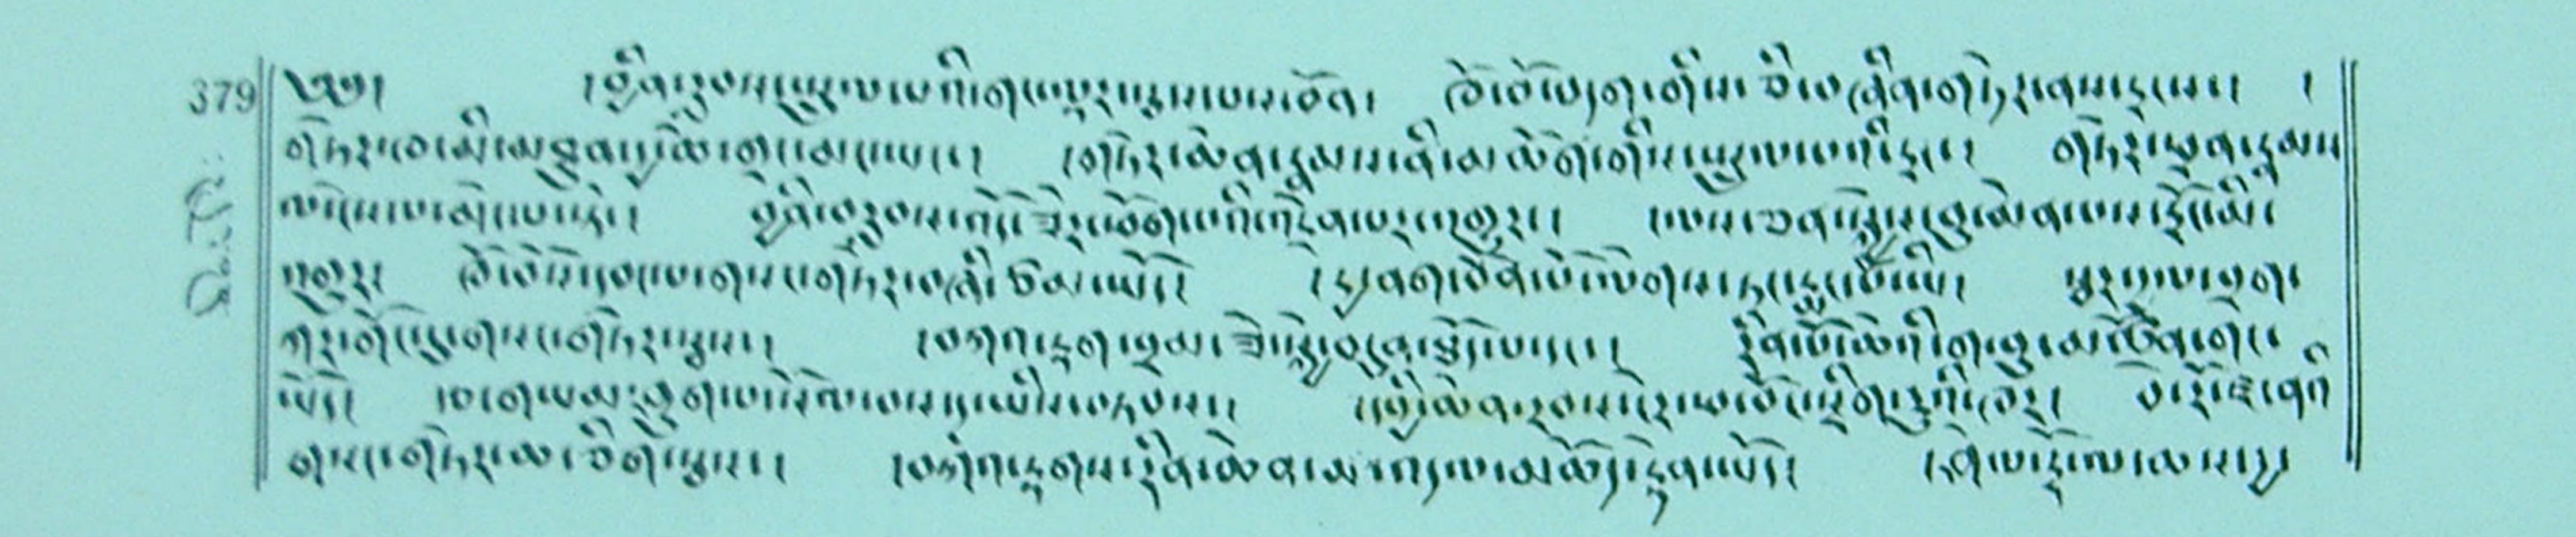༄༅། །བྱིན་རླབས་སྤྲུལ་པའི་གང་ལྟར་སྦས་པས་བོན། ཁོ་བོ་བདག་གིས་ཅི་བཞིན་གཏེར་ནས་དྲངས། 
གཏེར་ཁ་མི་མཐུན་རྒྱ་ཆེ་གྲང་མང་ཡང་། གཏེར་ཆེན་རྣམས་ནི་མཆོག་གིས་སྤྲུལ་པའི་དྲངས། ། གཏེར་ཕྲན་རྣམས་
ལ་ངེས་པ་མེད་པ་སྟེ། བྱིན་རླབས་འོད་ཟེར་ཕོག་པའི་འདྲེན་པར་འགྱུར། ལས་ཅན་སྐྱེས་བུ་མེན་པས་འདྲོངས་མི་
འགྱུར། ཁོ་བོས་དབང་པ་གསང་གཏེར་བཞི་ཙམ་ཡོད། རྒྱ་ནག་བོན་པོ་ལེགས་ཏང་རྨང་པོ་ཡི། སྦར་རྒྱལ་བྲག་
དཀར་གོང་དུ་གསང་གཏེར་སྦས། བཀའ་རྟགས་བྲམ་ཟེ་སྐྱེས་བདུན་ཐོད་པ་ཡོད། རིན་པོ་ཆེའི་ག་བུ་མཚོན་གང་
ཡོད། རྩ་གཡམ་ཤུག་པ་སོལ་བས་རྒྱ་ཡིས་བཏབས། དབྱི་ཆེན་རབས་ངེར་ཕ་བོང་སྡིག་རུའི་ཁར། བེ་རོ་ཛ་ནའི་
གསང་གཏེར་ཆ་གཅིག་སྦས། བཀའ་རྟགས་རིན་ཆེན་མནྜལ་མཆོད་རྟེན་ཡོད། ཤེལ་རྡོ་ལ་ཆས་རྒྱ་